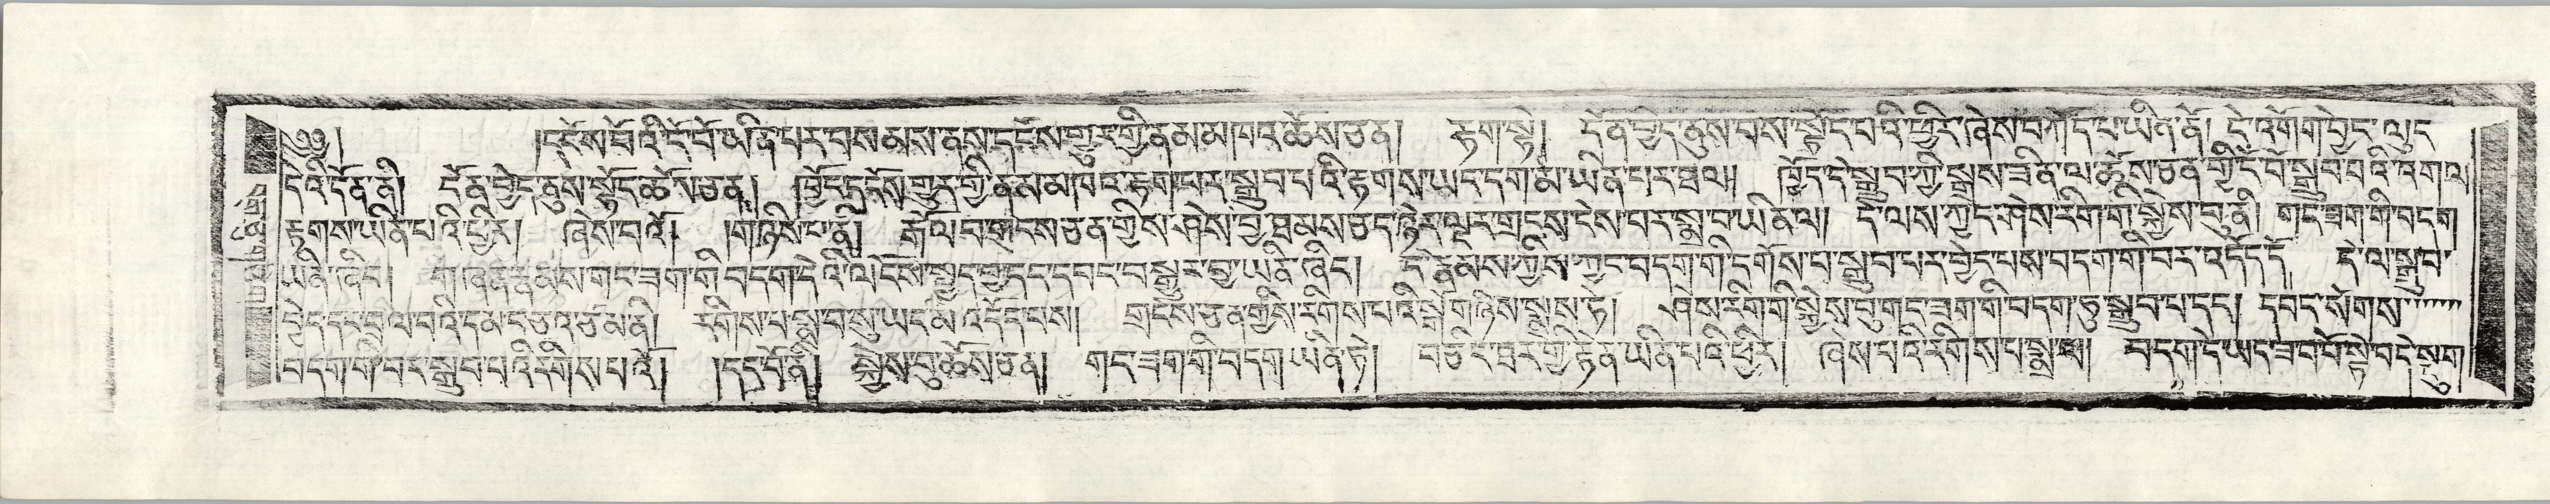༄༅། །དངོས་པོའི་ངོ་བོ་ཡིན་པར་བསམས་ནས་དངོས་གྱུར་གྱི་ནམ་མཁའ་ཆོས་ཅན། རྟག་སྟེ། དོན་བྱེད་ནུས་པས་སྟོང་པའི་ཕྱིར་ཞེས་བཀོད་པ་ཡིན་ནོ། དེ་འགོག་བྱེད་ལུང་
དེའི་དོན་ནི། དོན་བྱེད་ནུས་སྟོང་ཆོས་ཅན། ཁྱོད་དངོས་གྱུར་གྱི་ནམ་མཁའ་རྟག་པར་སྒྲུབ་པའི་རྟགས་ཡང་དག་མ་ཡིན་པར་ཐལ། ཁྱོད་དེ་སྒྲུབ་ཀྱི་སྒྲས་ཟིན་ལ་ཆོས་ཅན་གྱི་ངོ་བོ་སྒྲུབ་པའི་འགལ་
རྟགས་ཡིན་པའི་ཕྱིར། ཞེས་པའོ། །གཉིས་པ་ནི། རྒོལ་བ་གྲངས་ཅན་གྱིས་ཤེས་བྱ་ཐམས་ཅད་ཉེར་ལྔར་གྲངས་ངེས་པར་སྨྲ་བ་ཡིན་ལ། དེ་ལས་ཀྱང་ཤེས་རིག་གི་སྐྱེས་བུ་ནི། གང་ཟག་གི་བདག་
ཡིན་ཞིང་། གཞན་རྣམས་གང་ཟག་གི་བདག་དེའི་ལོངས་སྤྱད་བྱ་དང་དབང་བསྒྱུར་བྱ་ཡིན་ཞིང་། དེ་རྣམས་ཀྱིས་ཀྱང་བདག་གི་དགོས་པ་སྒྲུབ་པར་བྱེད་པས་བདག་གི་བར་འདོད་དོ། དེ་ལ་སྒྲུབ་
བྱེད་དང་བྲལ་བའི་དམ་བཅའ་ཙམ་ནི། རིགས་པ་སྨྲ་བ་སུ་ཡང་མི་འདོད་པས། གྲངས་ཅན་གྱིས་རིགས་པའི་སྒོ་གཉིས་སྨྲས་ཏེ། ཤེས་རིག་གི་སྐྱེས་བུ་གང་ཟག་གི་བདག་ཏུ་སྒྲུབ་པ་དང་། དབང་སོགས་
བདག་གི་བར་སྒྲུབ་པའི་རིགས་པའོ། །དང་པོ་ནི། སྐྱེས་བུ་ཆོས་ཅན། གང་ཟག་གི་བདག་ཡིན་ཏེ། བཅིང་ཐར་གྱི་རྟེན་ཡིན་པའི་ཕྱིར། ཞེས་པའི་རིགས་པ་སྨྲ་ལ། བདག་དེ་ཡང་ཟ་བ་བོ་སྟེ་བདེ་སྡུག་